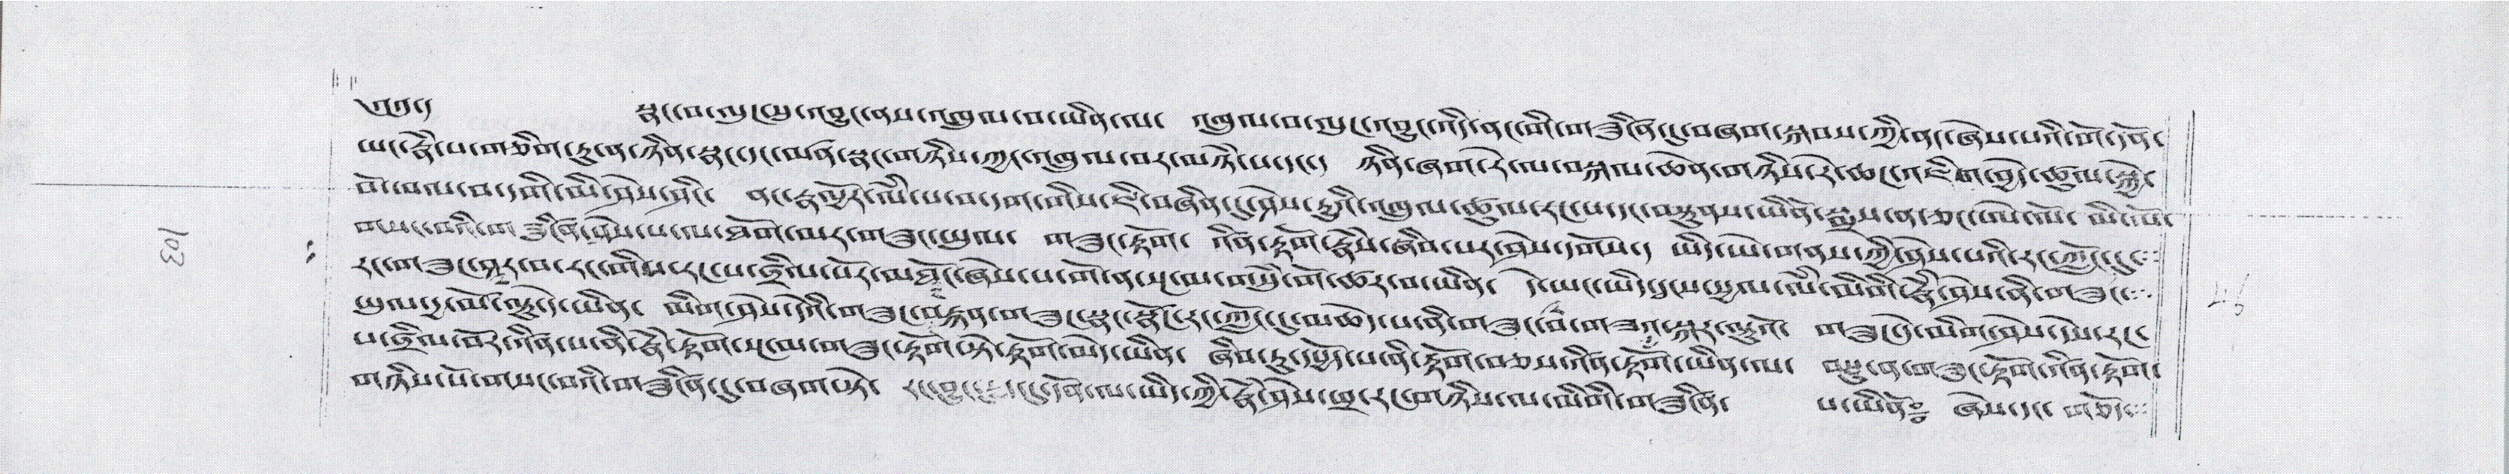སྣང་བ་ལུགས་སུ་འབྱུང་ནས་འཁྲུལ་པ་ཡིན་ལ། འཁྲུལ་པ་ལུགས་འབྱུང་འདི་ནང་གི་གཟུང་འཛིན་དུ་བཞག་སྐབས་ཀྱི་ནང་ཞེས་པའི་གོ་དོན་
ཡང་རྣམ་པ་གཅིག་ཏུ་ན་ཉིན་སྣང་དང་མཚན་སྣང་གཉིས་ཀྱང་འཁྲུལ་པར་མཉམ་པ་དང་། ཉིན་ཞག་རེ་ལ་བསྐལ་ཆེན་རེ་གཉིས་རེ་ཆགས་འཇིག་བྱེད་ཚུལ་སྐྱེ་
བོ་ཕལ་པ་དག་གིས་མི་ཤེས་ཤིང་། ནང་རྣལ་འབྱོར་ལམ་པ་བ་དག་གིས་ཇི་བཞིན་དུ་ཤེས་རྒྱུའི་འཁྲུལ་ཚུལ་རགས་པ་དང་བསྟུན་ནས་ཡིན་ནོ་སྨྲས་ན་ཧ་ཅང་ཨེ་ལོ་མི་ལོ། 
གསང་བའི་གཟུང་འཛིན་ཤེས་པ་ལ་ཐོག་མར་གཟུང་ཡུལ། གཟུང་རྟོག་འཛིན་རྟོག་རྣམས་ཞིབ་པར་ཤེས་དགོས། ཡིད་ཡེ་གནས་ཀྱི་ཤེས་པའི་རང་ཀློང་དུ་
རང་གཟུགས་ཤར་བ་རང་གིས་རགས་པ་ཧྲིལ་པོར་མཐོང་ཞེས་པ་གོ་ན་སྔ་མ་གསུམ་གོ་ཚར་བ་ཡིན། དེ་ཡང་ཡིད་དྭངས་གསལ་ལམ་མིག་གི་རྣམ་ཤེས་ནི་གཟུང་
ཡུལ་རྒྱ་མཚོ་ལྟ་བུ་དེ་ཡིན། མིག་ཤེས་དེའི་གཟུགས་བརྙན་སྣ་ཚོགས་རང་སྣང་དུ་མཆེད་པ་ནི་གཟུང་བ་གཟའ་སྐར་ལྟ་བུའོ། གཟུགས་དེས་མིག་ཤེས་དེས་རགས་
པ་ཧྲིལ་པོར་འཛིན་པ་ནི་རྣམ་རྟོག་སྔ་མ་གཟུང་རྟོག་སྟེ་རྟོག་མེད་ཡིན། ཞིབ་ཏུ་དཔྱོད་པ་ནི་རྟོག་བཅས་འཛིན་རྟོག་ཡིན་ལ། བསྡུ་ན་གཟུང་རྟོག་འཛིན་རྟོག་
གཉིས་པོ་གསང་བའི་གཟུང་འཛིན་དུ་བཞག་སྟེ། རང་བྱུང་རྒྱུད་དུ་དོན་ལ་ཡིད་ཀྱི་རྣམ་ཤེས་ཕྲ་རགས་གཉིས་ལ་མིག་གི་གཟུང་འཛིན་༼༽པ་ཡིན་ནོ། ཞེས་དང་། གཅོད་